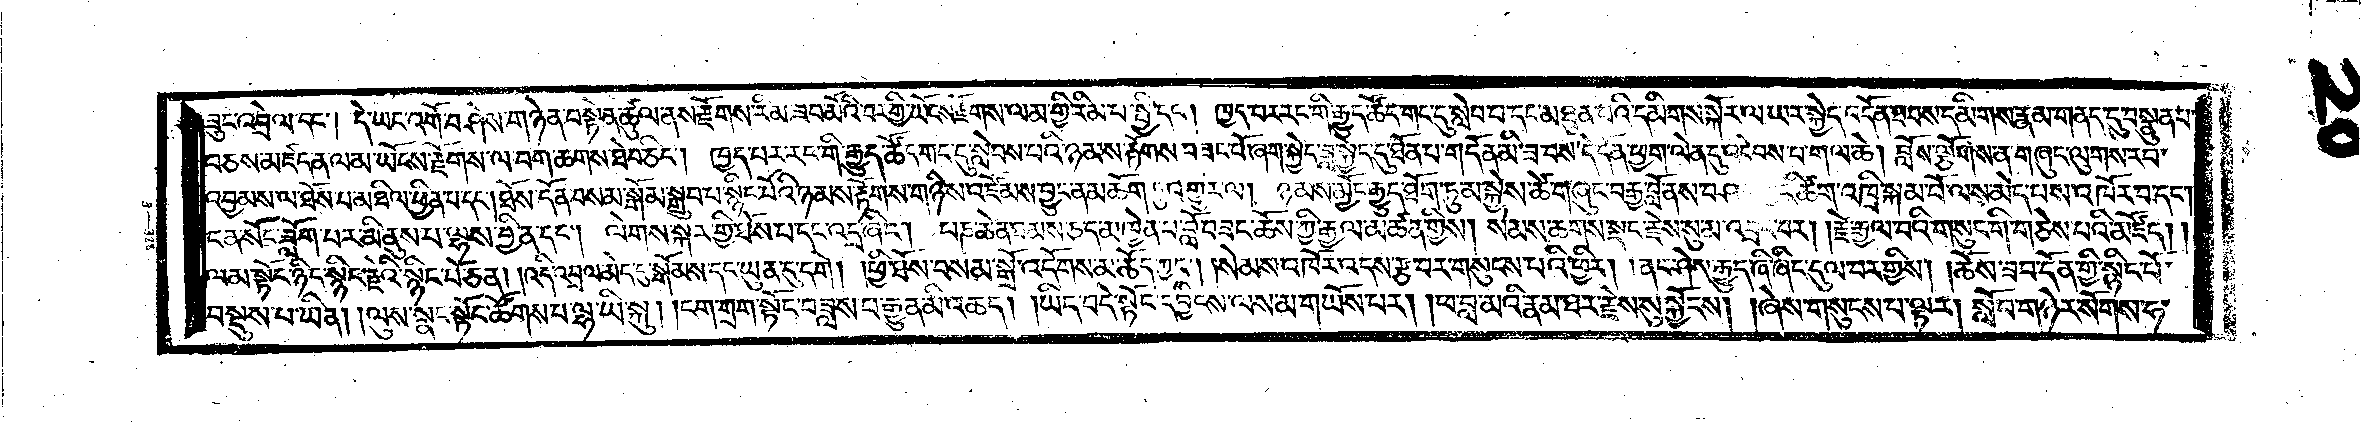ཟུང་འབྲེལ་དང་། དེ་ཡང་འགོ་བཤེས་གཉེན་བསྟན་ཚུལ་ནས་རྫོགས་རིམ་ཟབ་མོའི་བར་གྱི་ཡོངས་རྫོགས་ལམ་གྱི་རིམ་པ་སྤྱི་དང་། ཁྱད་བར་རང་གི་རྒྱུད་ཚོང་གང་དུ་སླེབ་པ་དང་མཐུན་པའི་དམིགས་སྐོར་ལ་ཡར་སྐྱེད་འདོན་ཐབས་དམིགས་རྣམ་གནད་དུ་བསྣུན་པ་
བཅས་མཛད་ན་ལམ་ཡོངས་རྫོགས་ལ་བག་ཆགས་ཐེབ་ཅིང་། ཁྱད་པར་རང་གི་རྒྱུད་ཚོང་གང་དུ་སླེབས་པའི་ཉམས་རྟོགས་བཟང་པོ་ཞག་སྐྱེད་ཟླ་སྐྱེད་དུ་ཐོན་པ་གདོན་མི་ཟ་བས་དེ་དོན་ཕྱག་ལེན་དུ་འདེབས་པ་གལ་ཆེ། བློས་ལྕོགས་ན་གཞུང་ལུགས་རབ་
འབྱམས་ལ་ཐོས་པ་མཐིལ་ཕྱིན་པ་དང་། ཐོས་དོན་བསམ་སྒོམ་སྒྲུབ་པ་སྙིང་པོའི་ཉམས་རྟོགས་གཉིས་འཛོམས་བྱུང་ན་མཆོག་ཏུ་འགྱུར་ལ། ཉམས་མྱོང་རྒྱུད་ཐོག་ཏུ་མ་སྐྱེས་ཚེ་གཞུང་བརྒྱ་བློ་ནས་བཤད་བྱེད་ཚིག་འཁྲི་སྐམ་པོ་ལས་མེད་པས་འཁོར་བ་དང་།
ངང་སོང་ཟློག་པར་མི་ནུས་པ་ལྷས་བྱིན་དང་། ལེགས་སྐར་གྱི་ཐོས་པ་དང་འདྲ་ཞིང་། པཎ་ཆེན་ཐམས་ཅད་མཁྱེན་པ་བློ་བཟང་ཆོས་ཀྱི་རྒྱལ་མཚན་གྱིས། སེམས་ཆགས་སྡང་རྗེས་སུ་མ་འབྲང་བར། །རྗེ་རྒྱལ་བའི་གསུང་གི་གཅེས་པའི་མཛོད། །
ལམ་སྟོང་ཉིད་སྙིང་རྗེའི་སྙིང་པོ་ཅན། །འདི་འབྲལ་མེད་དུ་སྒོམས་དང་ཡུན་དུ་དགེ། །ཕྱི་ཐོས་བསམ་སྒྲོ་འདོགས་མཆོད་ཀྱང་། །སེམས་འཁོར་འདས་རྩ་བར་གསུངས་པའི་ཕྱིར། །ནང་ཤེས་རྒྱུད་ཞི་ཞིང་དུལ་བར་གྱིས། །ཆོས་ཟབ་དོན་གྱི་སྙིང་པོ་
བསྡུས་པ་ཡིན། །ལུས་སྣང་སྟོང་ཚོགས་པ་ལྷ་ཡི་སྐུ། །ངག་གྲག་སྟོང་བཟླས་བ་རྒྱུན་མི་འཆད། །ཡིད་བདེ་སྟོང་དབྱིངས་ལས་མ་གཡོས་པར། །ཕ་བླ་མའི་རྣམ་ཐར་རྗེས་སུ་སྐྱོངས། །ཞེས་གསུངས་པ་ལྟར། སློབ་གཉེར་སོགས་ཧ་